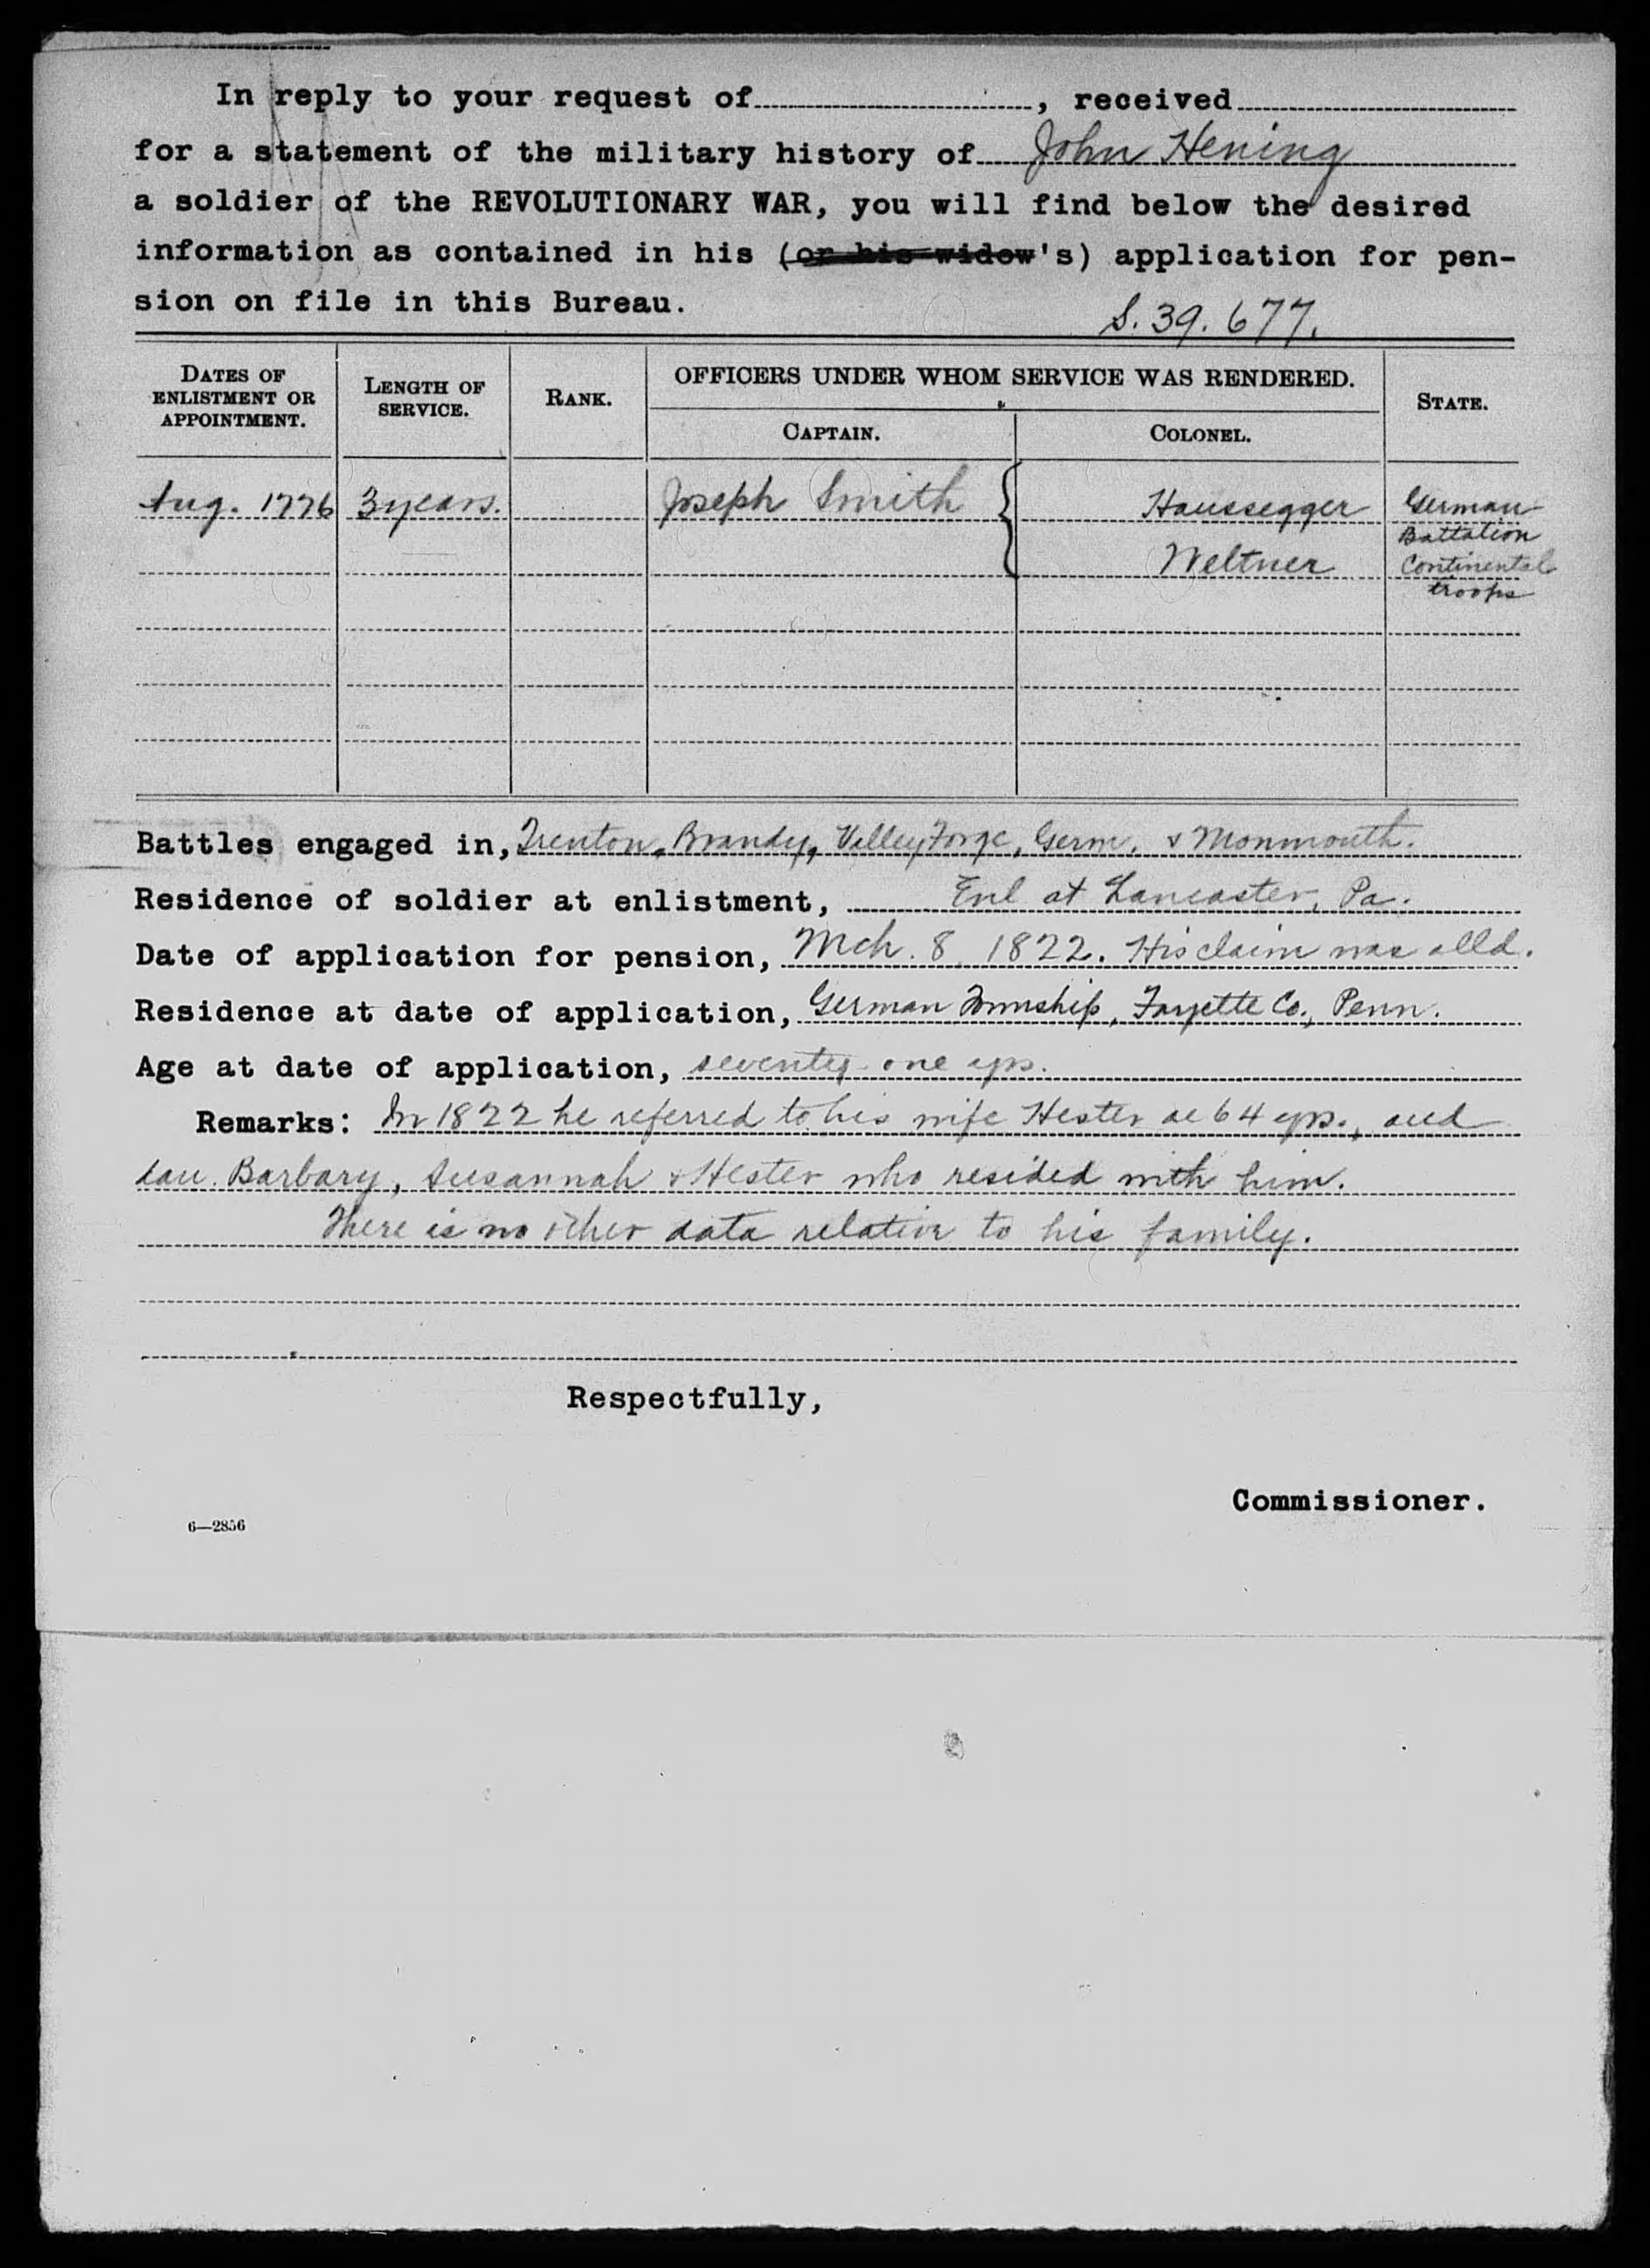In reply to your request of [blank], received [blank] for a statement of the military history of John Hening a soldier of the REVOLUTIONARY WAR, you will find below the desired information as contained in his [struck through (or his widow's)] application for pension on file in this Bureau.

S.39.677.

[table]
||DATES OF ENLISTMENT OR APPOINTMENT. || LENGTH OF SERVICE. || RANK. ||
OFFICERS UNDER WHOM SERVICE WAS RENDERED. |CAPTAIN.|COLONEL.|| STATE
Aug. 1776 || 3 years.|| [blank] || Joseph Smith | Haussegger/Weltner || German Battalion Continental troops

Battles engaged in, Trenton, Brandy, Valley Forge, Germ, & Monmouth.
Residence of soldier at enlistment, Enl at Lancaster, Pa.
Date of application for pension, Mch. 8, 1822. His claim was alld.
Residence at date of application, German Township, Fayette Co., Penn.
Age at date of application, seventy one yrs.
Remarks: In 1822 he referred to his wife Hester at 64 yrs., and dau. Barbary, Susannah & Hester who resided with him.
There is no other data relatin to his family.

Respectfully,
[unsigned]
Comissioner.

6-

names: Hester, Joseph Smith, Barbary, Haussegger, John Hening, Weltner, Susannah, Hester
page: 6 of 15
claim: survivor's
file: S. 39677, John Hening, Continental (Penn.)